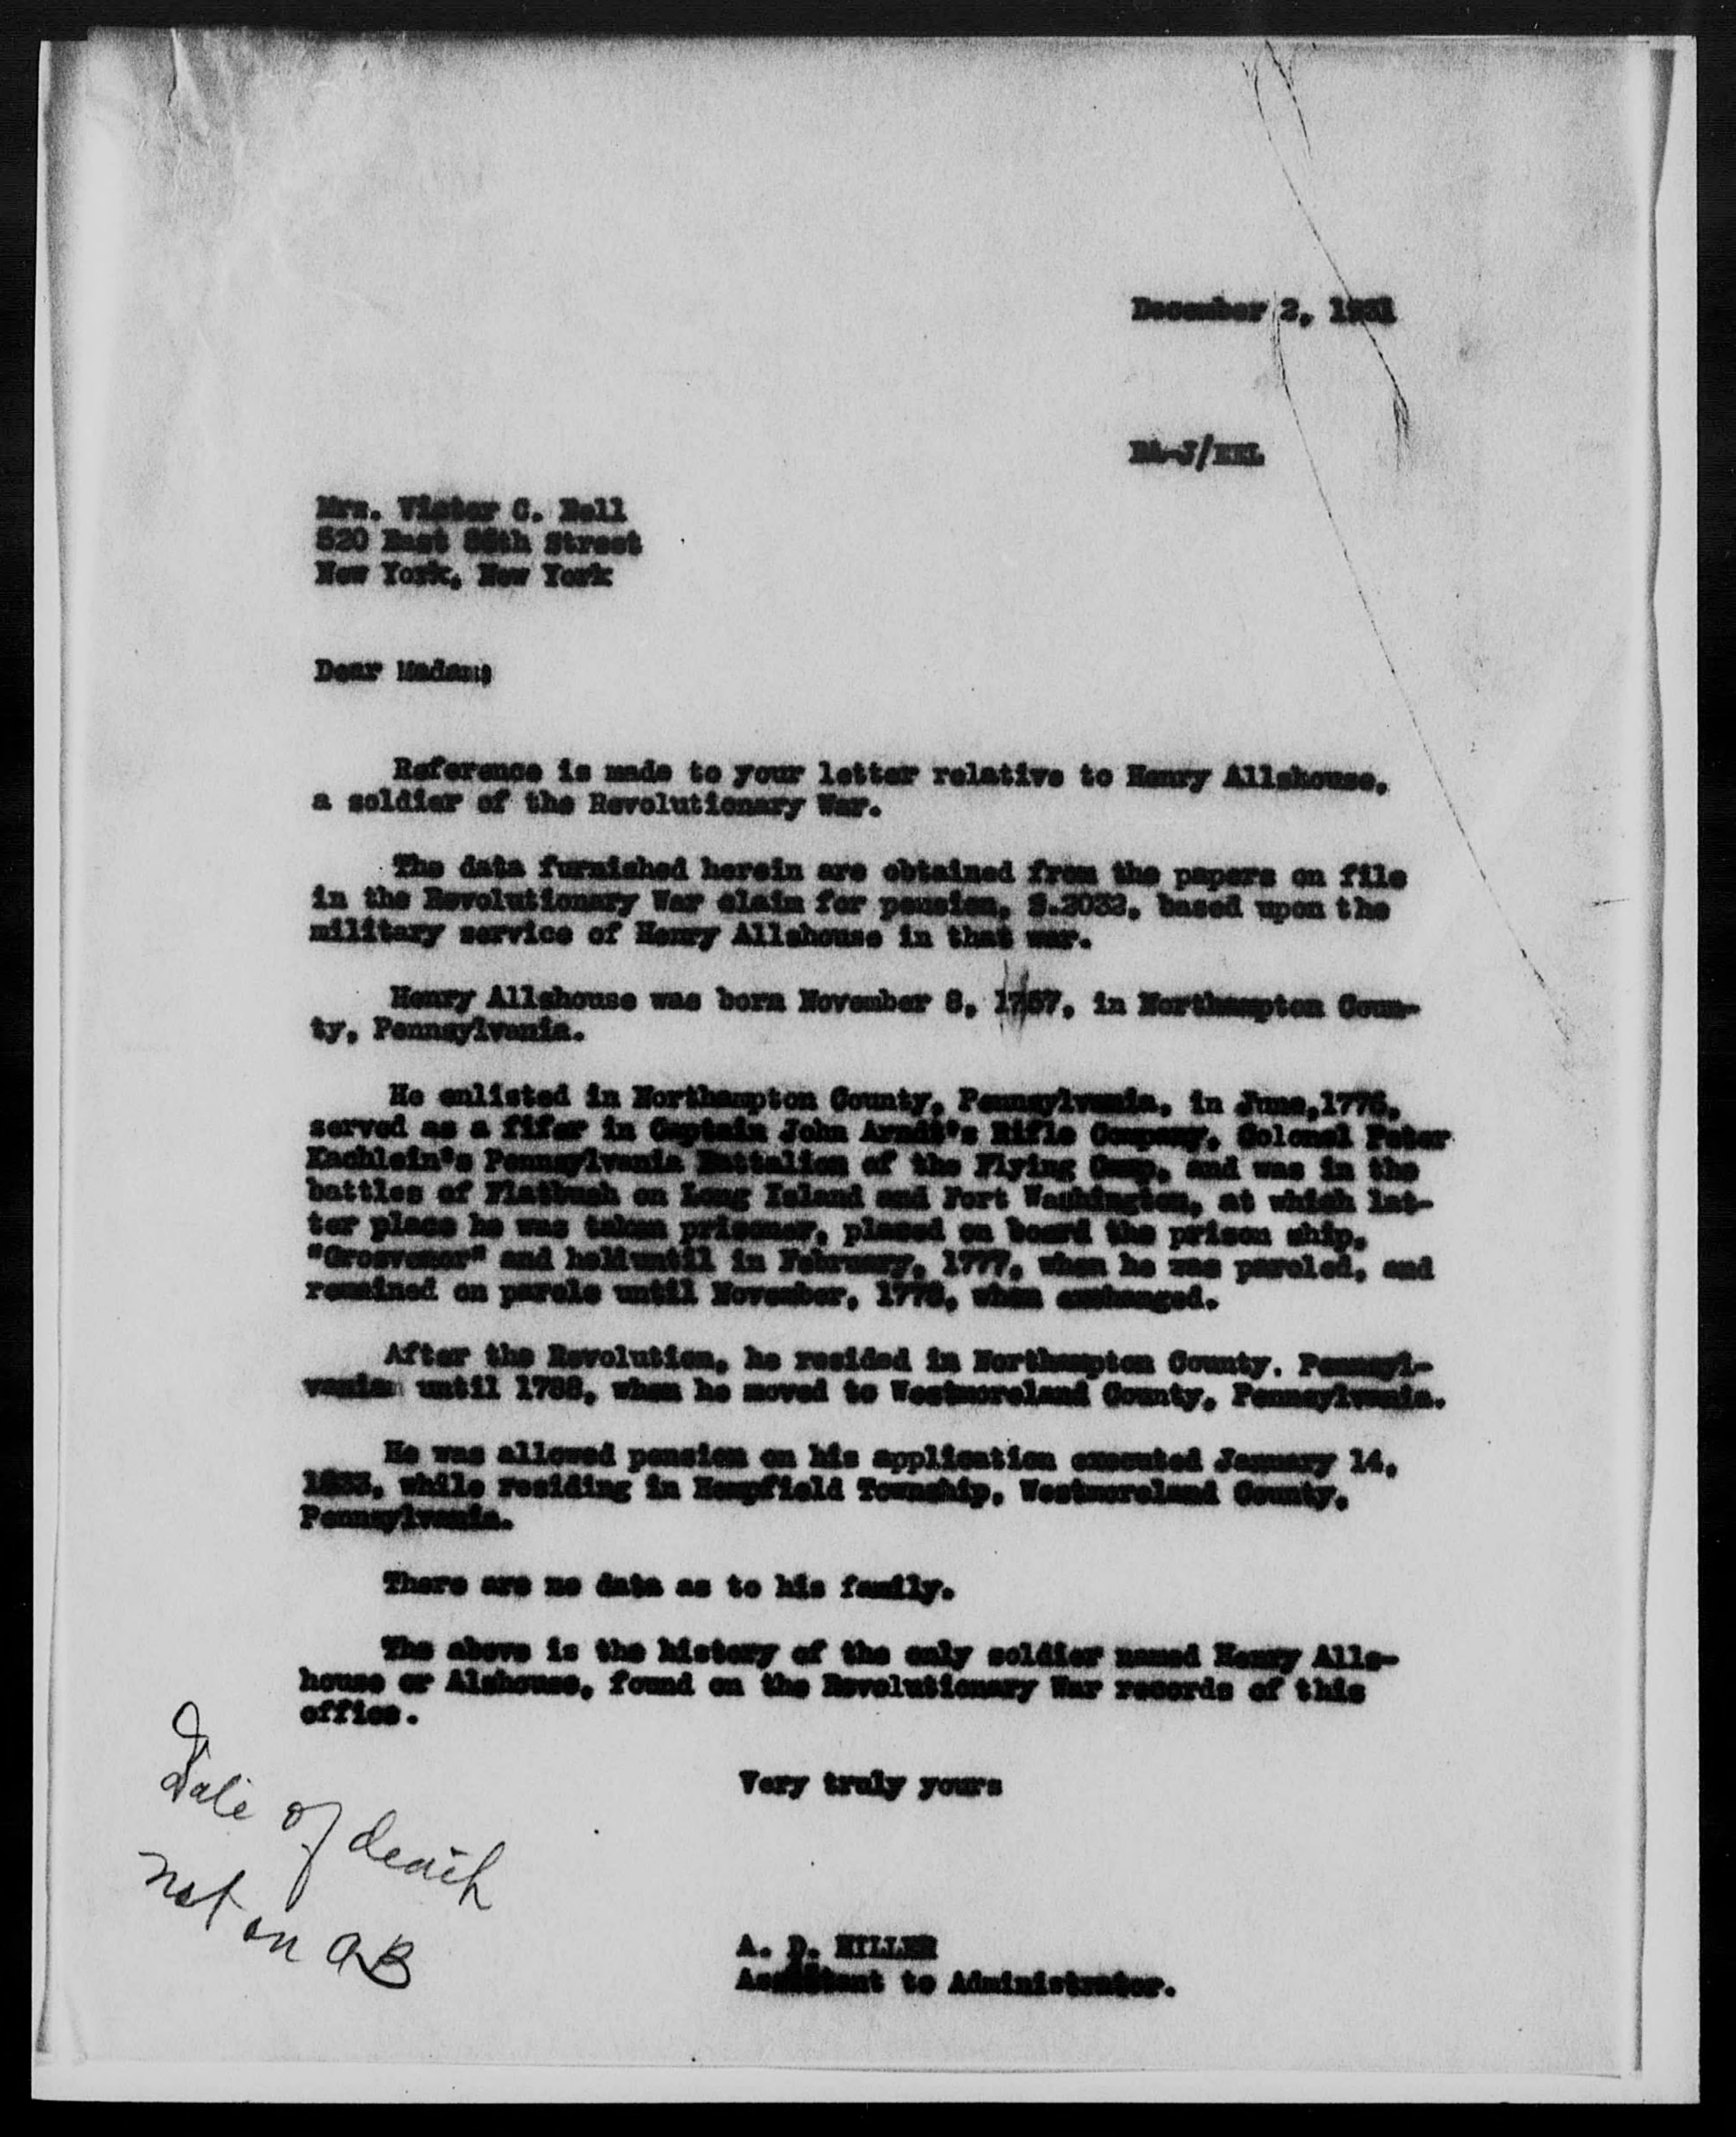December 2, 1931
EL-J/EEL
Mrs. Victor C. Bell
520 East 88th Street
New York, New York

Dear Madam:

Reference is made to your letter relative to Henry Allshouse, a soldier of the Revolutionary War.

The data furnished herein are obtained from the papers on file in the Revolutionary War claim for pension, S.2032, based upon the
military service of Henry Allshouse in that war.

Henry Allshouse was born November 3, 1757, in Northampton County, Pennsylvania.

He enlisted in Northampton County, Pennsylvania, in June, 1776, served as fifer in a John Ardnt's Rifle Company, Colonel Peter
Kachlein's Pennsylvania Battalion of the Flying, Camp. and was in the battles of Flatbush on Long Island and Fort Washington, at which latter place he was taken prisoner, placed on board the prison ship "Grosvenor" and held until in February, 1777, when he was paroled, and remained on parole until November,1778, when exchanged.

After the Revolution, he resided in Northampton County, Pennsylvania
until 1783, when he moved to Westmoreland County, Pennsylvania.

He was allowed pension on his application executed January 14, 1833, while residing in Hempfield Township, Westmoreland County,
Pennsylvania.

There are no data as to his family,

The above is the history of the only soldier named Henry Allshouse of Alshouse, found on the Revolutionary War records of this office.

Very truly yours

A. D. HILL
Assistant to Administrator

date of death not on AB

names: A D Hiller, Victor C Bell, Henry Allshouse, Henry Allshouse, Henry Allshouse, Henry Allshouse, Henry Alshouse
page: 23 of 24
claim: survivor's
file: S. 2032, Henry Allshouse, Penn.